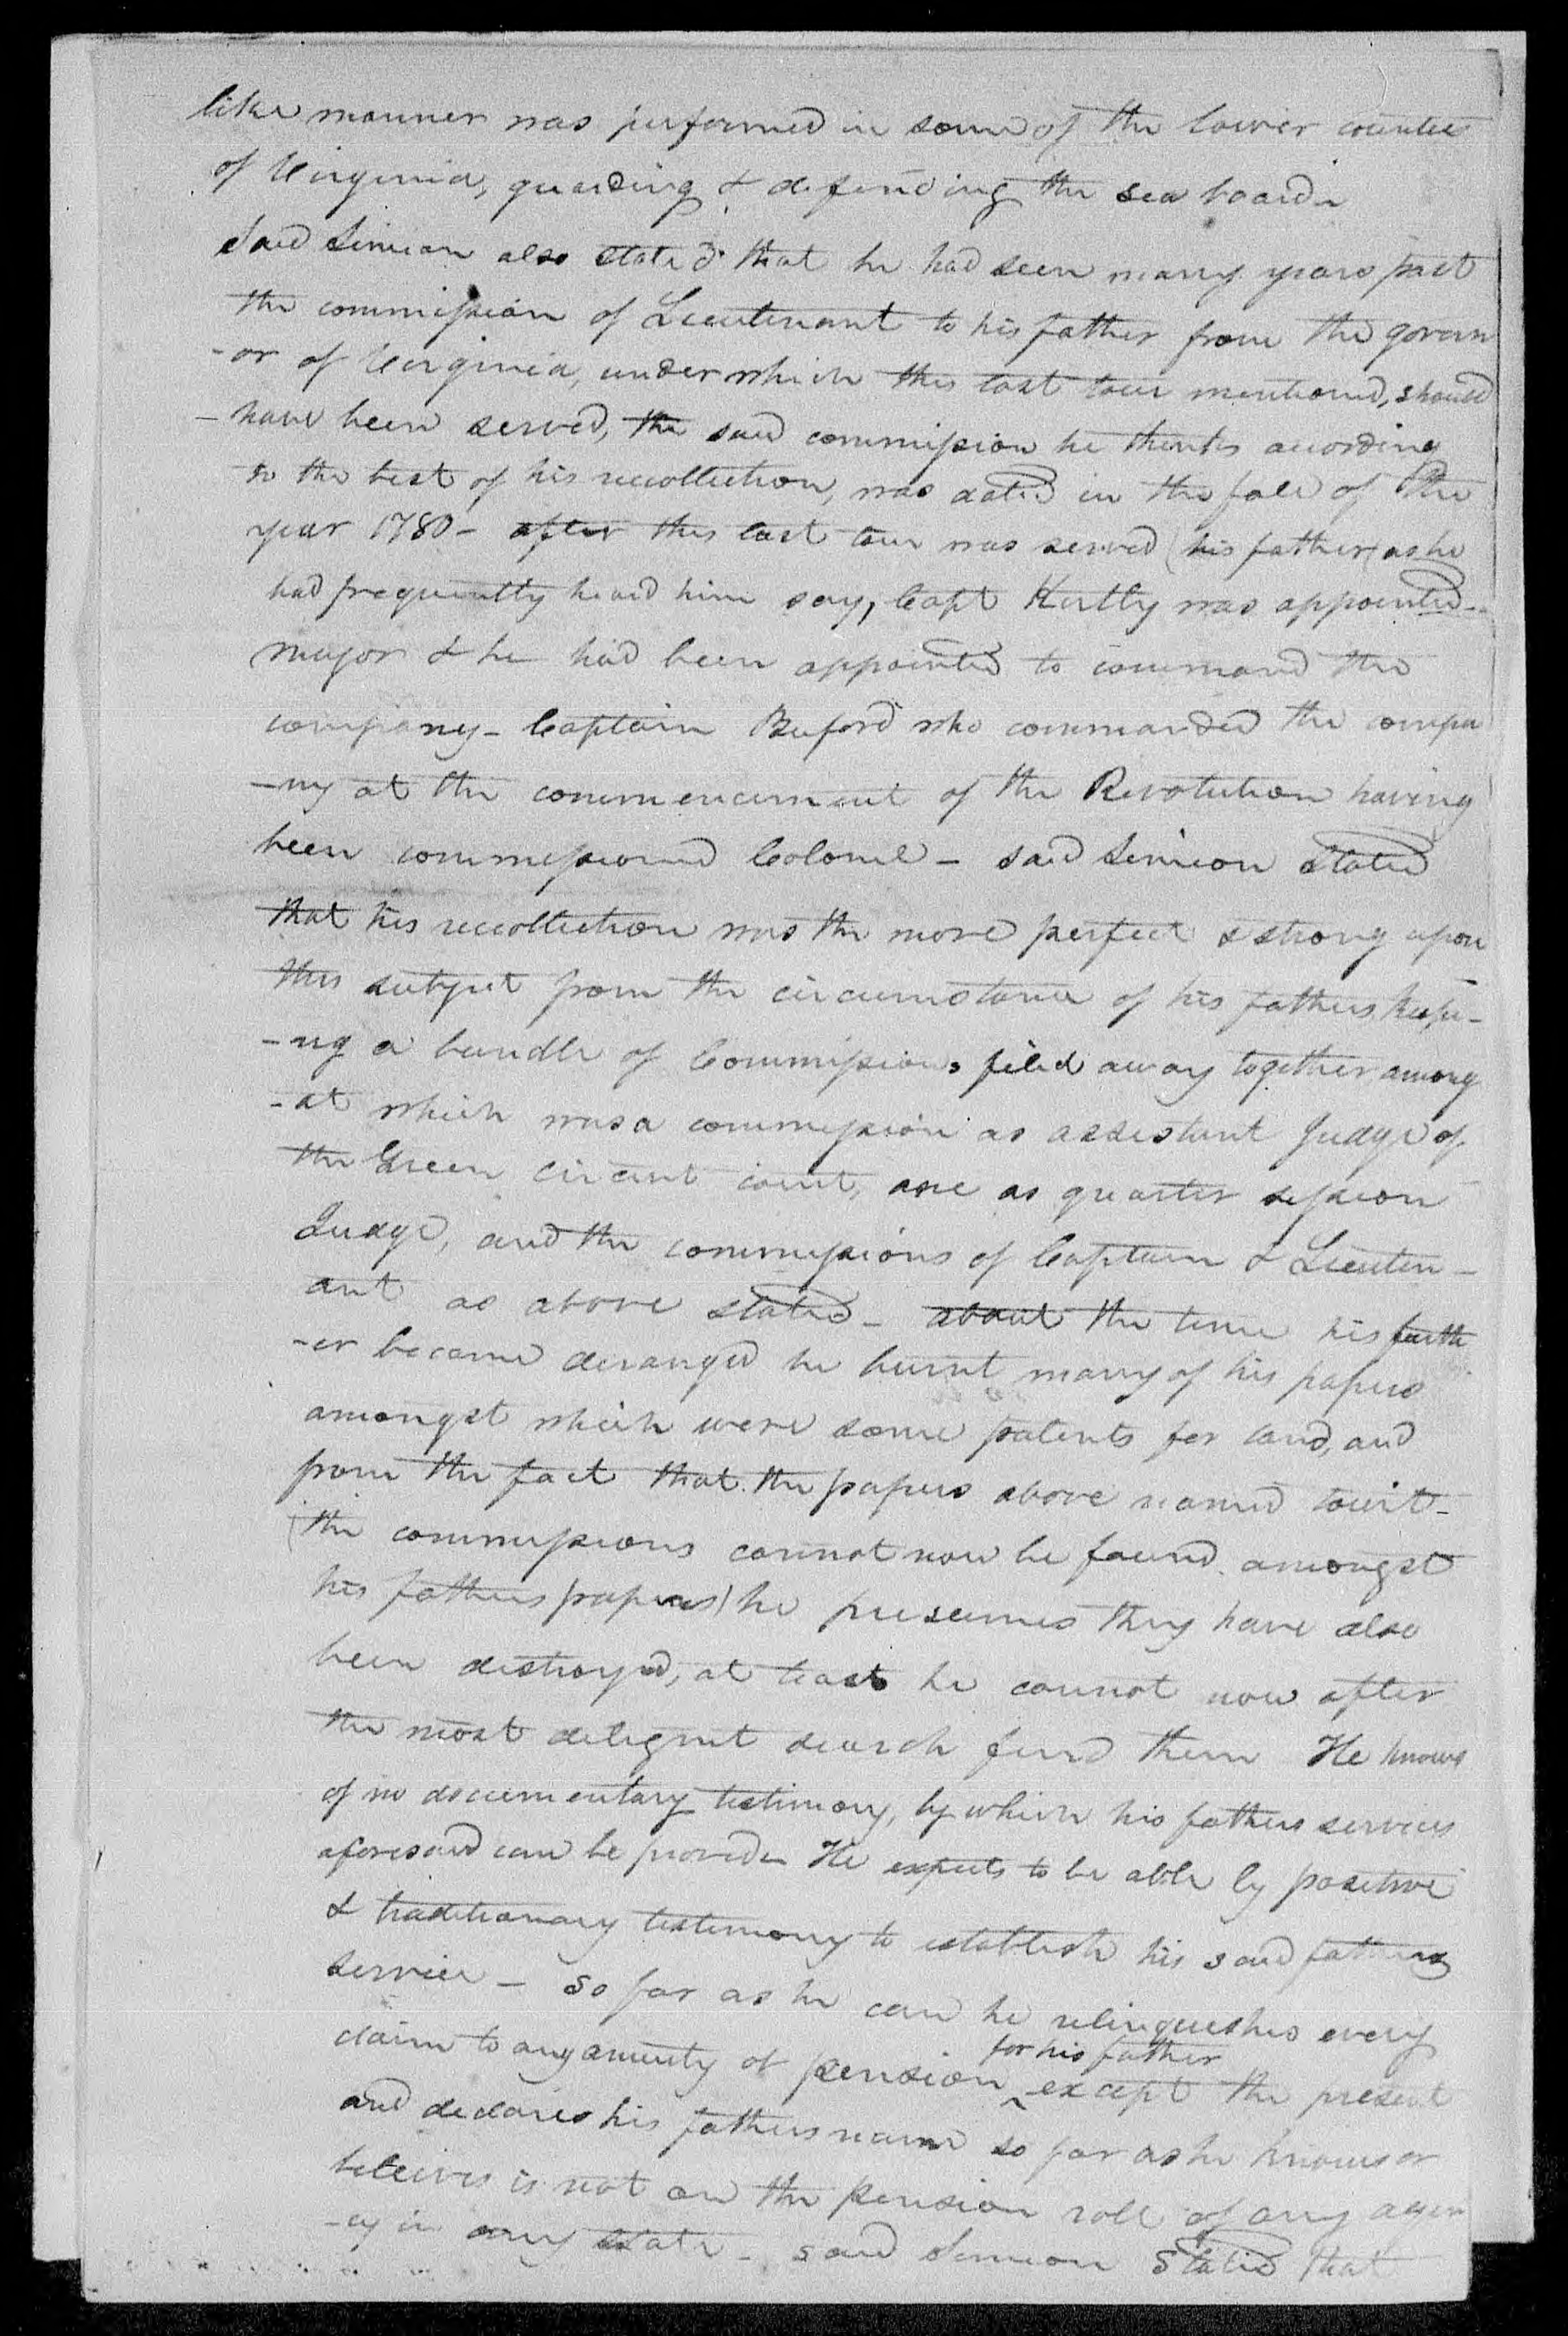like manner was performed in some of the lower counties of Virginia, guarding & defending the seaboard. Son Simeon also stated that he had seen many years paid the commipion of Lieutenant to his father from the governor of Virginia, under which the last tour mentioned, should have been served, the said commipion he thinks according to the best of his recollection was date in the fall of the year 1780-after this last tour was served his father asks and frequently heard him say, Capt Kertly was appointed major and he had been appointed to command the company. Captain Buford who commanded the company at the commencement of the Revolution having been commipoins Colonel - said Simeon states that his recollection was the more perfect & strong after this subject from the circumstance of his fathers having a bundle of commipion, field away together  among-at which was a commpaion as assistant Judge of the Green Circuit Court, one as quarters  before Judge, and the commipaions of Captains & Lieutenant as above stated-about the time his father became deranged he burnt many of his papers amongst which were foatents for land, and from the fact that the papers above named towit-the commipions cannot now be found amongst his fathers papers he presumes they have also been destroyed, at least he cannot now after the most diligent search find them. He knows of no documentary testimony, by which his fathers services aforesaid can be proven the aspects to be able to positive & traditionary testimony to establish his said fathers service - so far has he relinquishes every claim to any  amunty of pension for his father except the present and declares his fathers  return so far as he knows or believes is not on the pension roll of any agency in any state-said Simeon states that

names: Kertly, Buford, Simeon, Simeon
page: 5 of 46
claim: widow's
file: W 8619, Jonathan Cowherd, Va.